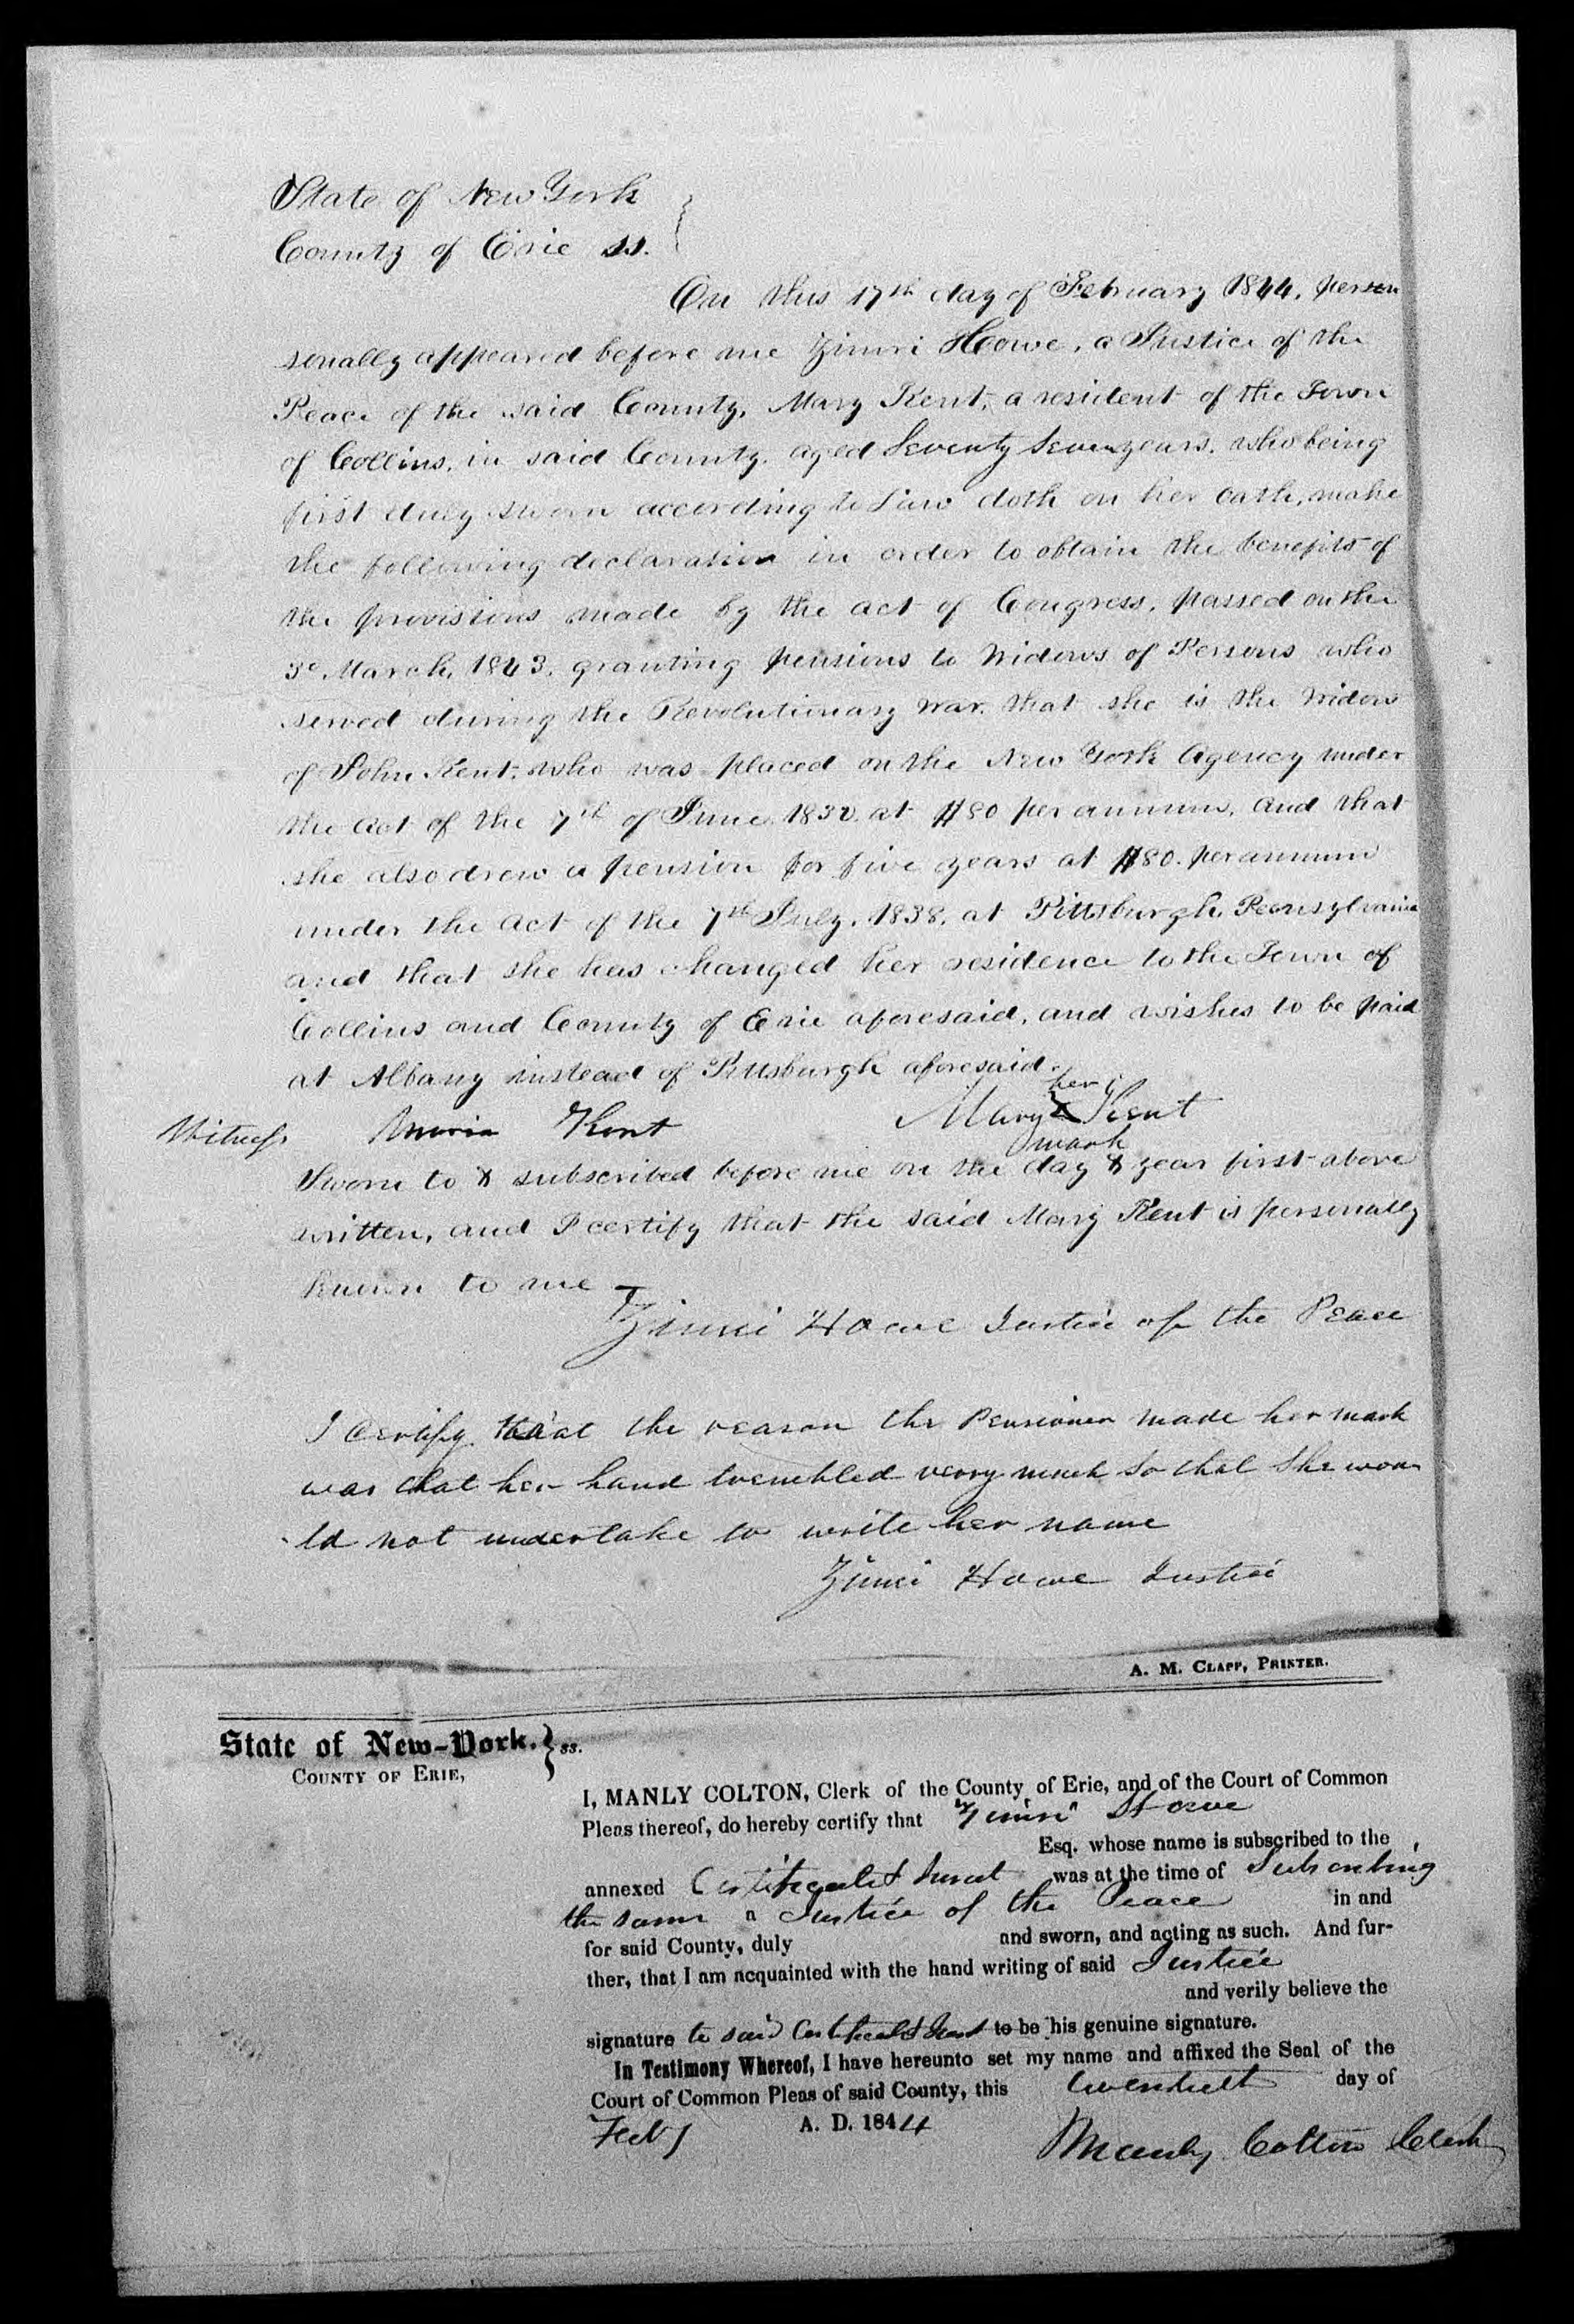State of New York}
County of Erie ss.}
On this 17th day of Febuary1844, personally appeared before me Zinni Howe, a Justice of the Peace of the said County, Mary Kent, a resident of the Town of Collins, in said County, aged Seventy Seven years, who being first duly sworn according to Law doth on her oath, make the following declaration in order to obtain the benefits of the provisions made by the act of congress, passed on the 3d March, 1843, granting pensions to widows of persons who served during the Revolutionary War. That she is the widow of John Kent, who was placed on the New York Agency under the act of the 7th of June 1832 at $80 per annum, and that she also drew a pension for five years at $80. per annum under the act of the 7th July. 1838. at Pittsburgh Pennsylvania and that she has changed her residence to the Town of Collins and County of Erie aforesaid, and wishes to be paid at Albany instead of Pittsburgh aforesaid.
Mary Kent (her x mark)
Witnefs [illegible] Kent

Sworn to + subscribed before me on the day & year first above written, and I certify that the said Mary Kent is personally know to me -
Zinni How Justice of the Peace

I certify that the reason the Pensioner made her mark was that her hand trembled very much so that she would not undertake to write her name
Zinni Howe Justice

A.M. Clapp, Printer.
==========
State of New-York,}
County of ERIE,} ss.
I, MANLY COLTON, Clerk of the County of Erie, and of the Court of Common Pleas thereof, do hereby certify that Zinni Howe Esq. whose name is subscribed to the annexed certificate Jurat was at the time of Subscribing the same a Justice of the Peace in and for said county, duly ___ and sworn, and acting as such. And further, that I am acquainted with the hand writing of said Justice and verily believe the signature to said Certificate Jurat to be his genuine signature.
In Testimony Whereof, I have hereunto set my name and affixed the Seal of the Court of Common Pleas of said County, this twentieth day of Feby A. D. 1844
Manly Colton Clerk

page: 45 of 50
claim: widow's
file: W. 4253, for John Kent, Vermont